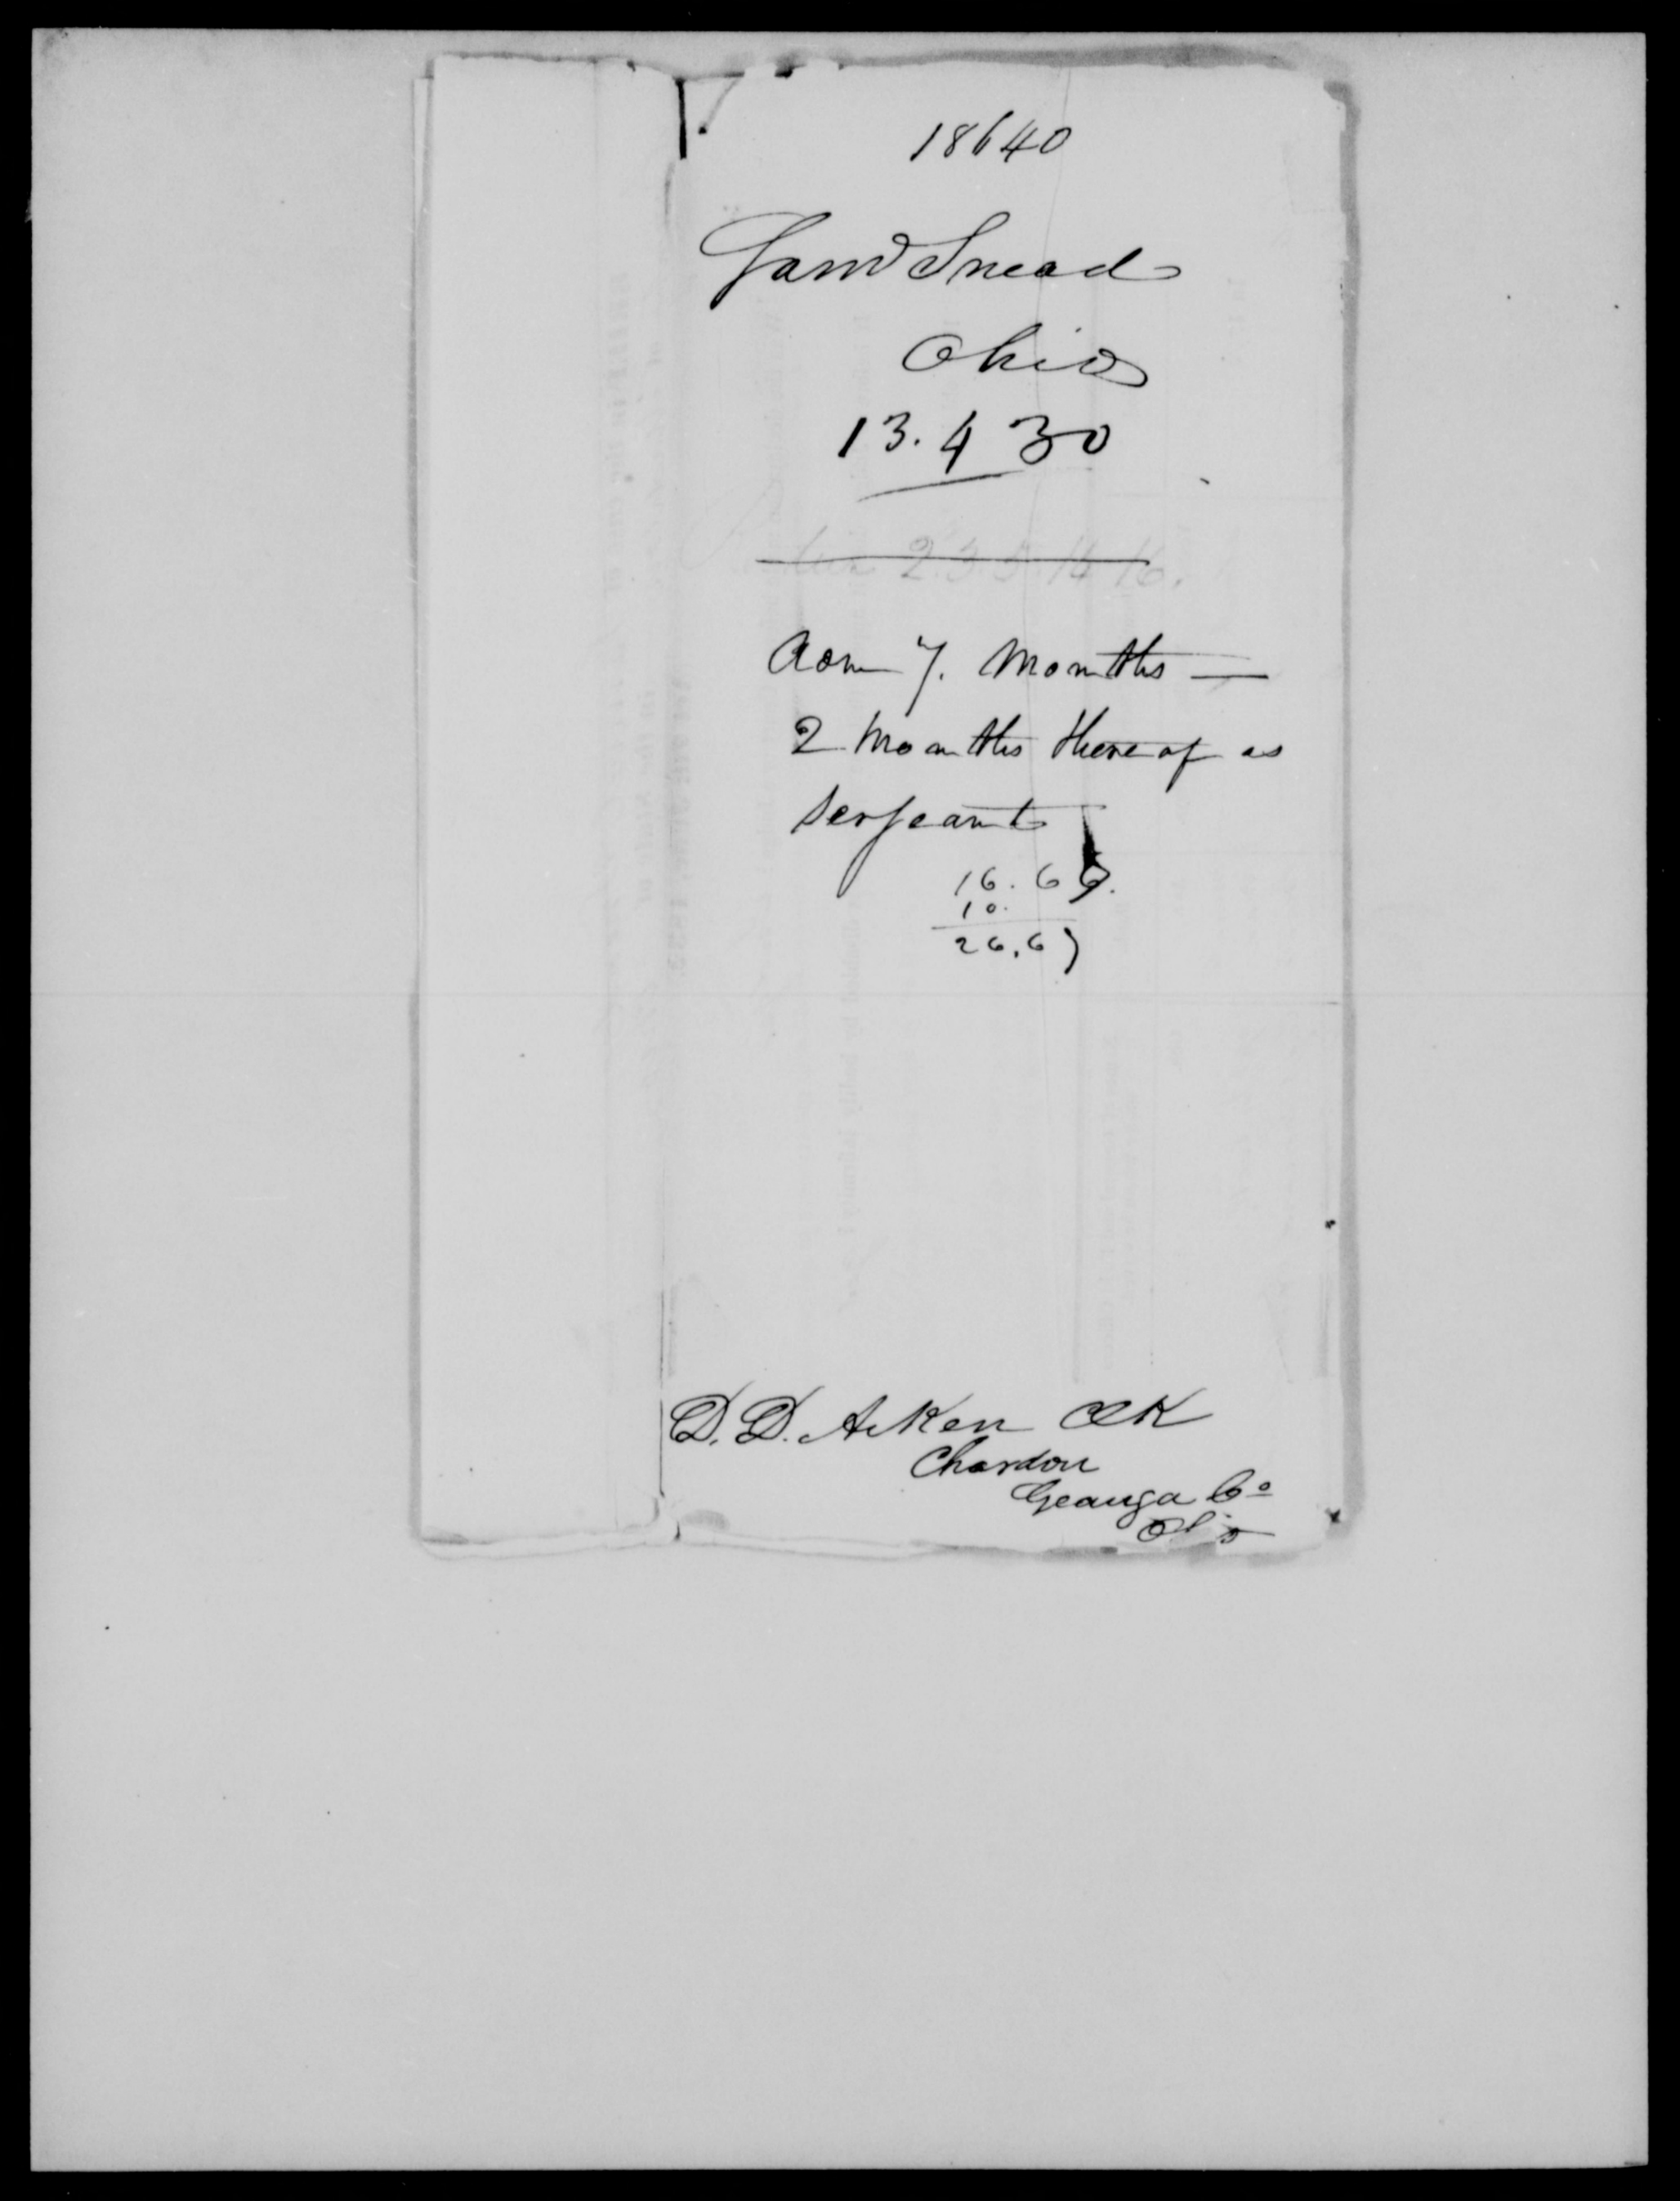18640

Sam Snead
Ohio
13.430

Adm 7 months
2 months there of as
sergeant

16.67
10.
26.67

D. D. Acken Ilk
Chardon
Geauga Co.
Ohio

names: D D Acken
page: 3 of 18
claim: survivor's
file: S. 18,605, for Samuel Smead, Massachusetts